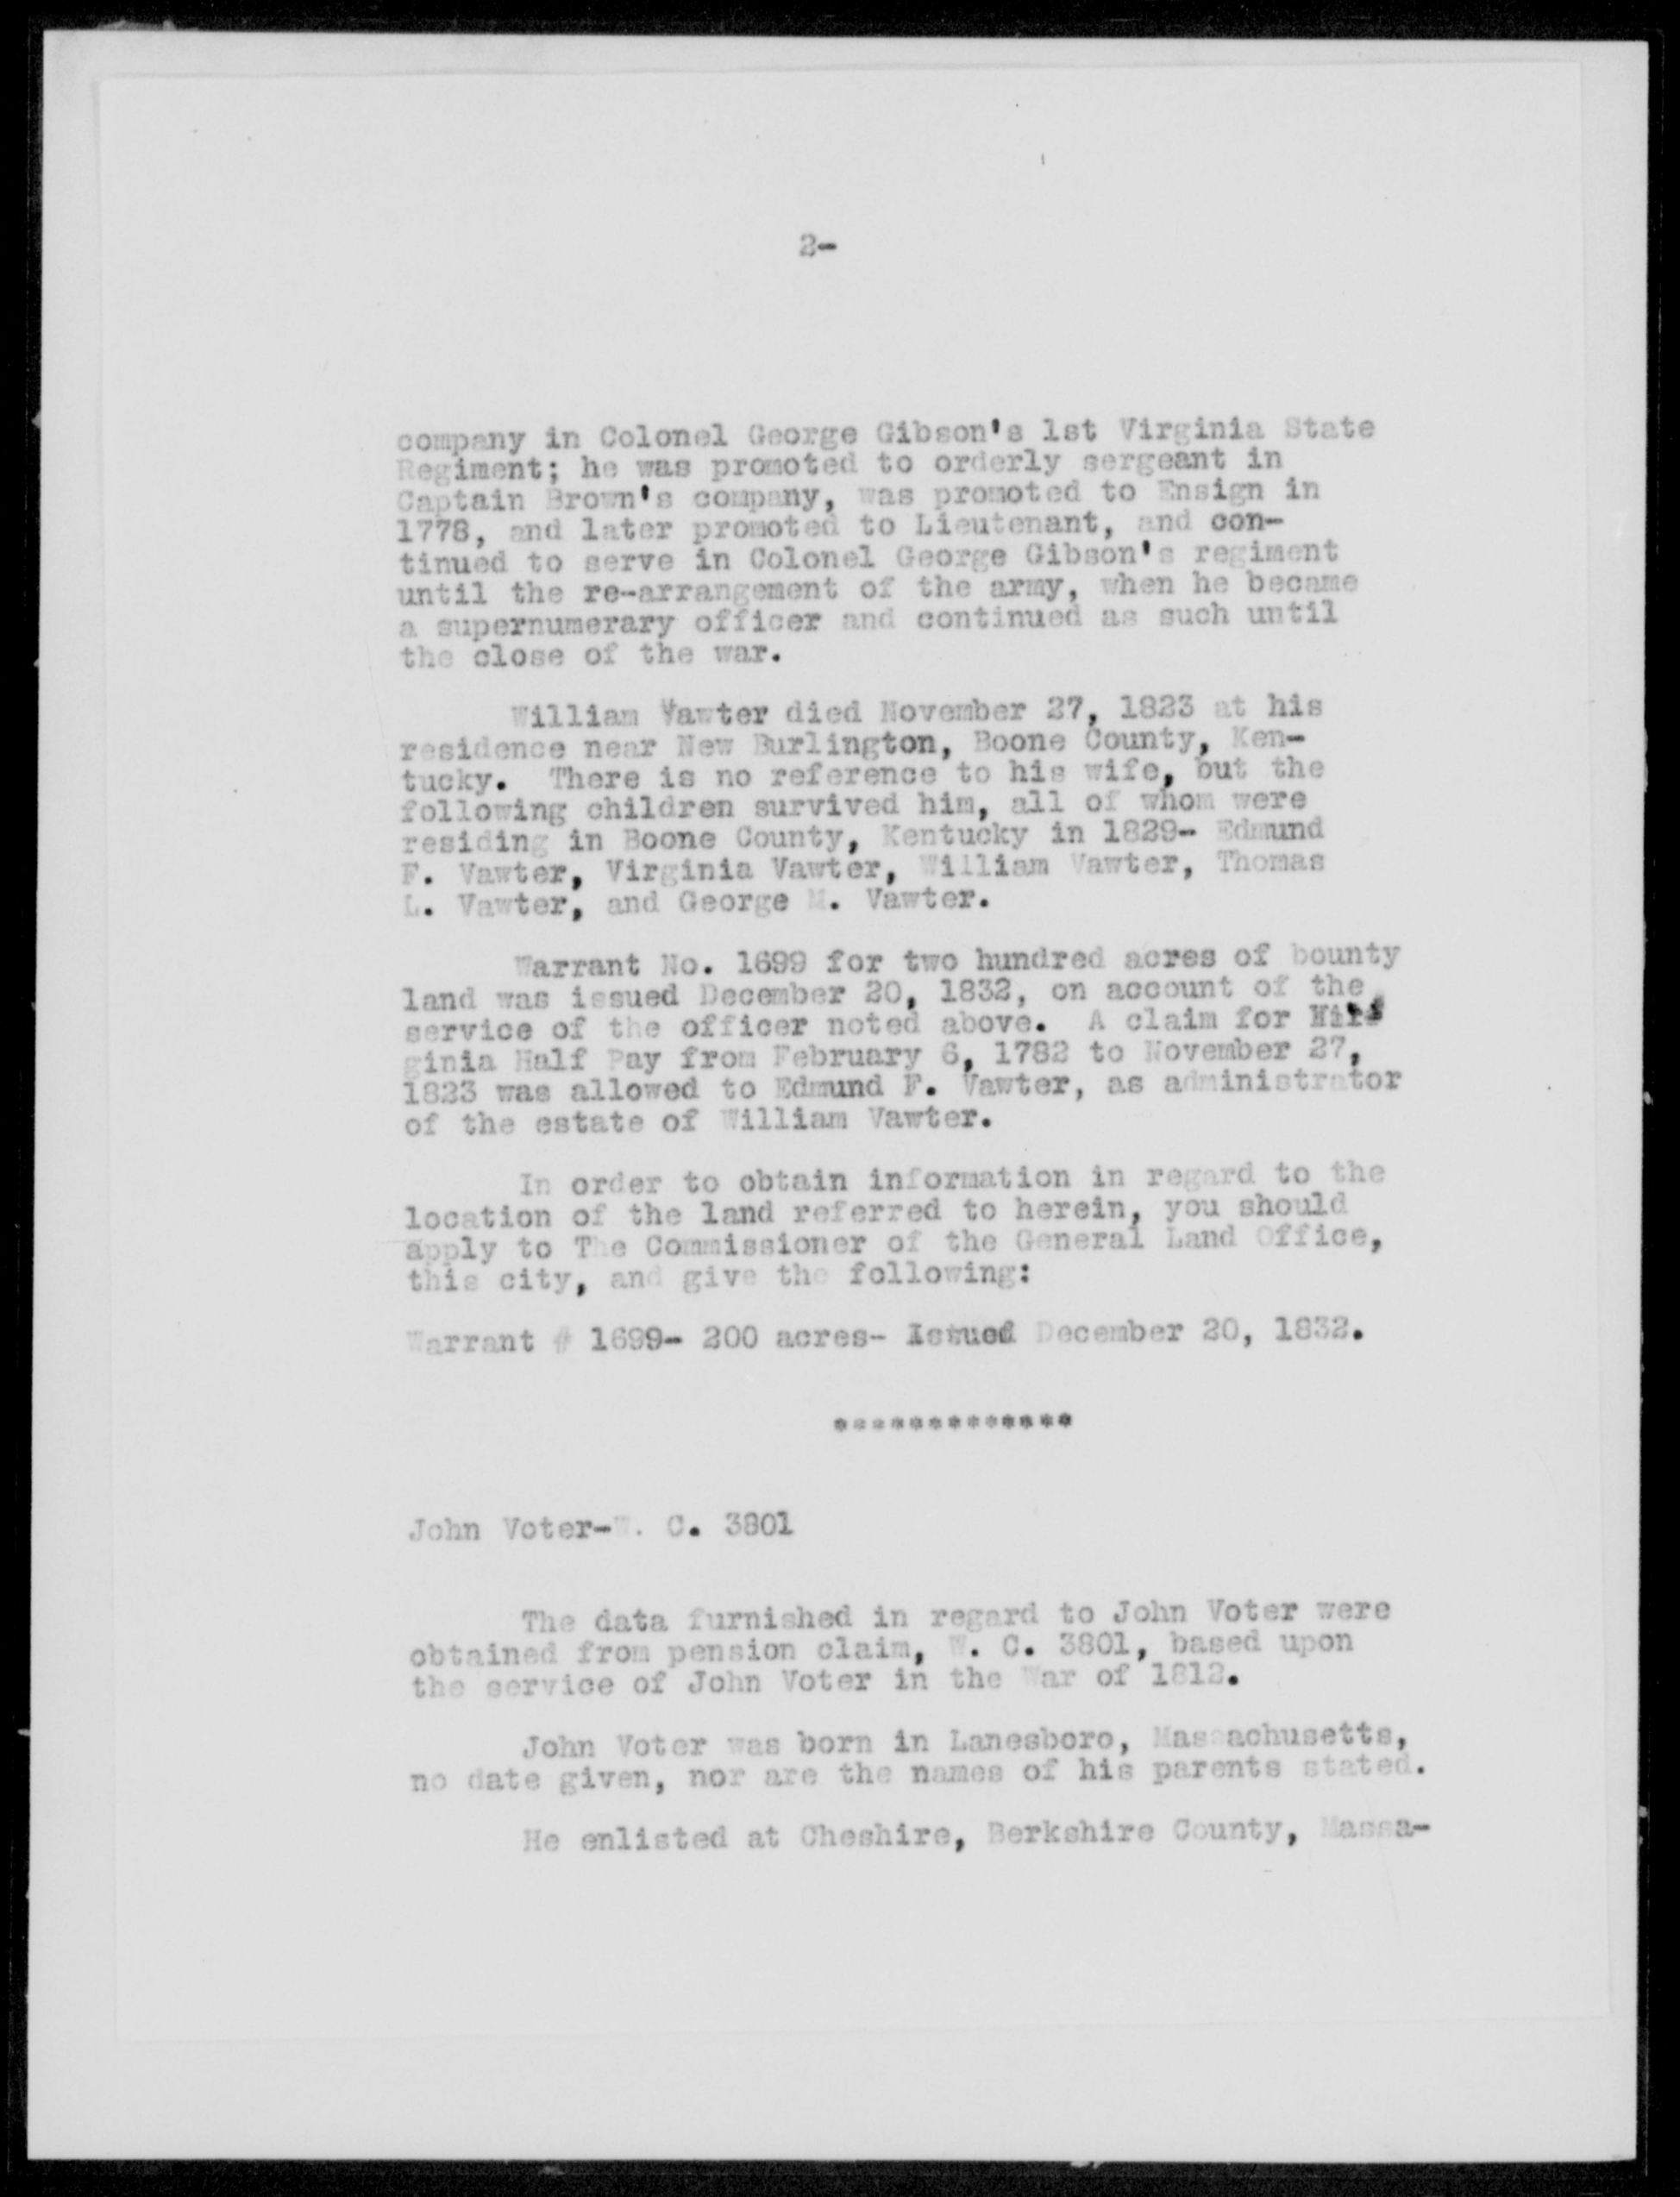2-
company in Colonel George Gibson's 1st Virginia State
Regiment; he was promoted to orderly sergeant in
Captain Brown's company, was promoted to Ensign in
1778, and later promoted to Lieutenant, and continued
to serve in Colonel George Gibson's regiment
until the re-arrangement of the army, when he became a
supernumerary officer and continued as such until
the close of the war.

William Vawter died November 27, 1823 at his
residence near New Burlington, Boone County, Kentucky. There is no reference to his wife, but the
following children survived him, all of whom were
residing in Boone County, Kentucky in 1829 Edmund
F. Vawter, Virginia Vawter, William Yawter, Thomas
L. Vawter, and George M. Vawter.

Warrant No. 1699 for two hundred acres of bounty
land was issued December 20, 1832, on account of the
service of the officer noted above. A claim for Virginia 
Half Pay from February 6, 1782 to November 27,
1823 was allowed to Edmund F. Vawter, as administrator
of the estate of William Vawter.

In order to obtain information in regard to the
location of the land referred to herein, you should
apply to The Commissioner of the General Land Office,
this city, and give the following:
Warrant 1699-200 acres- Issued December 20, 1832.

John Voter -- C. 3801
The data furnished in regard to John Voter were
obtained from pension claim, W. C. 3801, based upon
the service of John Voter in the War of 1812.

John Voter was born in Lanesboro, Massachusetts,
no date given, nor are the names of his parents stated.

He enlisted at Cheshire, Berkshire County, Massachusetts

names: John Voter, William Vawter, William Vawter, Edmund F Vawter, Virginia Vawter, Thomas L Vawter, George M Vawter, Edmund F Vawter, John Voter, John Voter, William Vawter, John Voter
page: 30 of 51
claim: rejected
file: R. 10,921, William Vawter, Va.